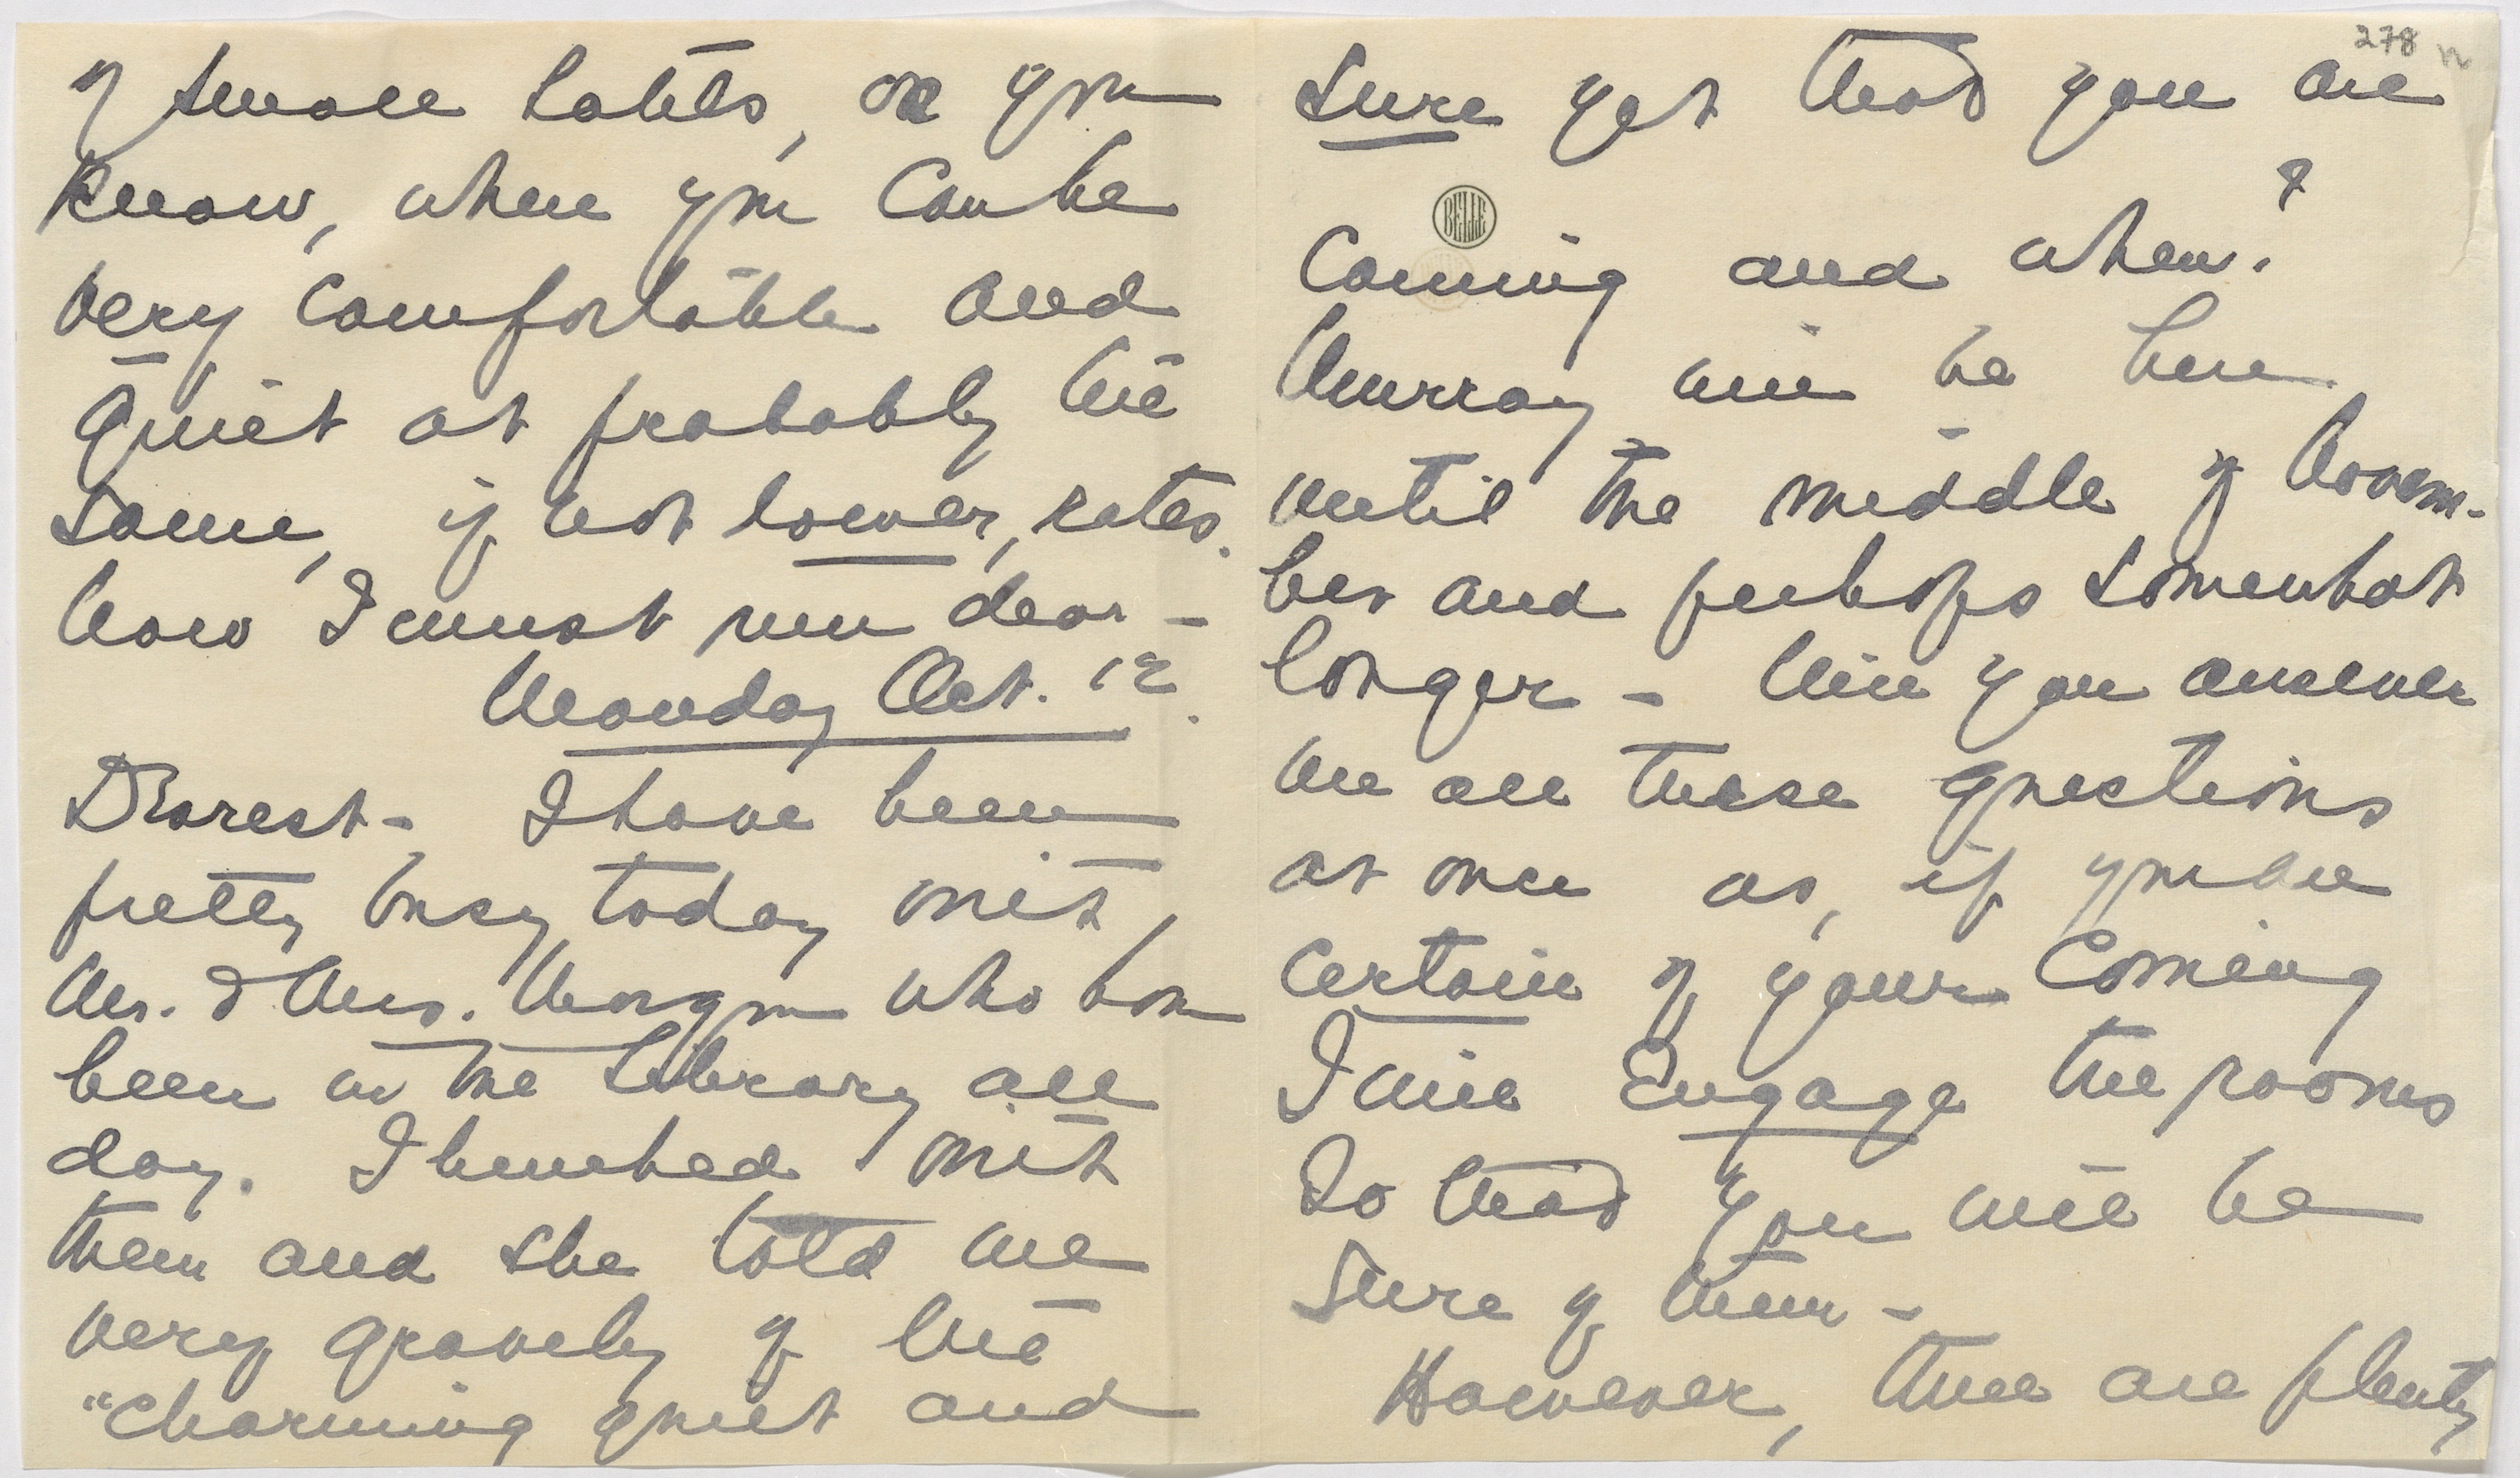sure yet that you are coming and when?
Murray will be here until the middle of November and perhaps somewhat longer – will you answer me all these questions at once as, if you are certain of your coming I will engage the rooms so that you will be sure of them –
However, there are plenty
of small hotels, or you know, where you can be very comfortable and quiet at probably the same, if not lower, rates. Now I must run dear-
Monday Oct. 12.
Dearest – I have been pretty busy today with Mr. & Mrs. Morgan who has been in the Library all day. I lunched with them and she told me very gravely of the “charming quiet and